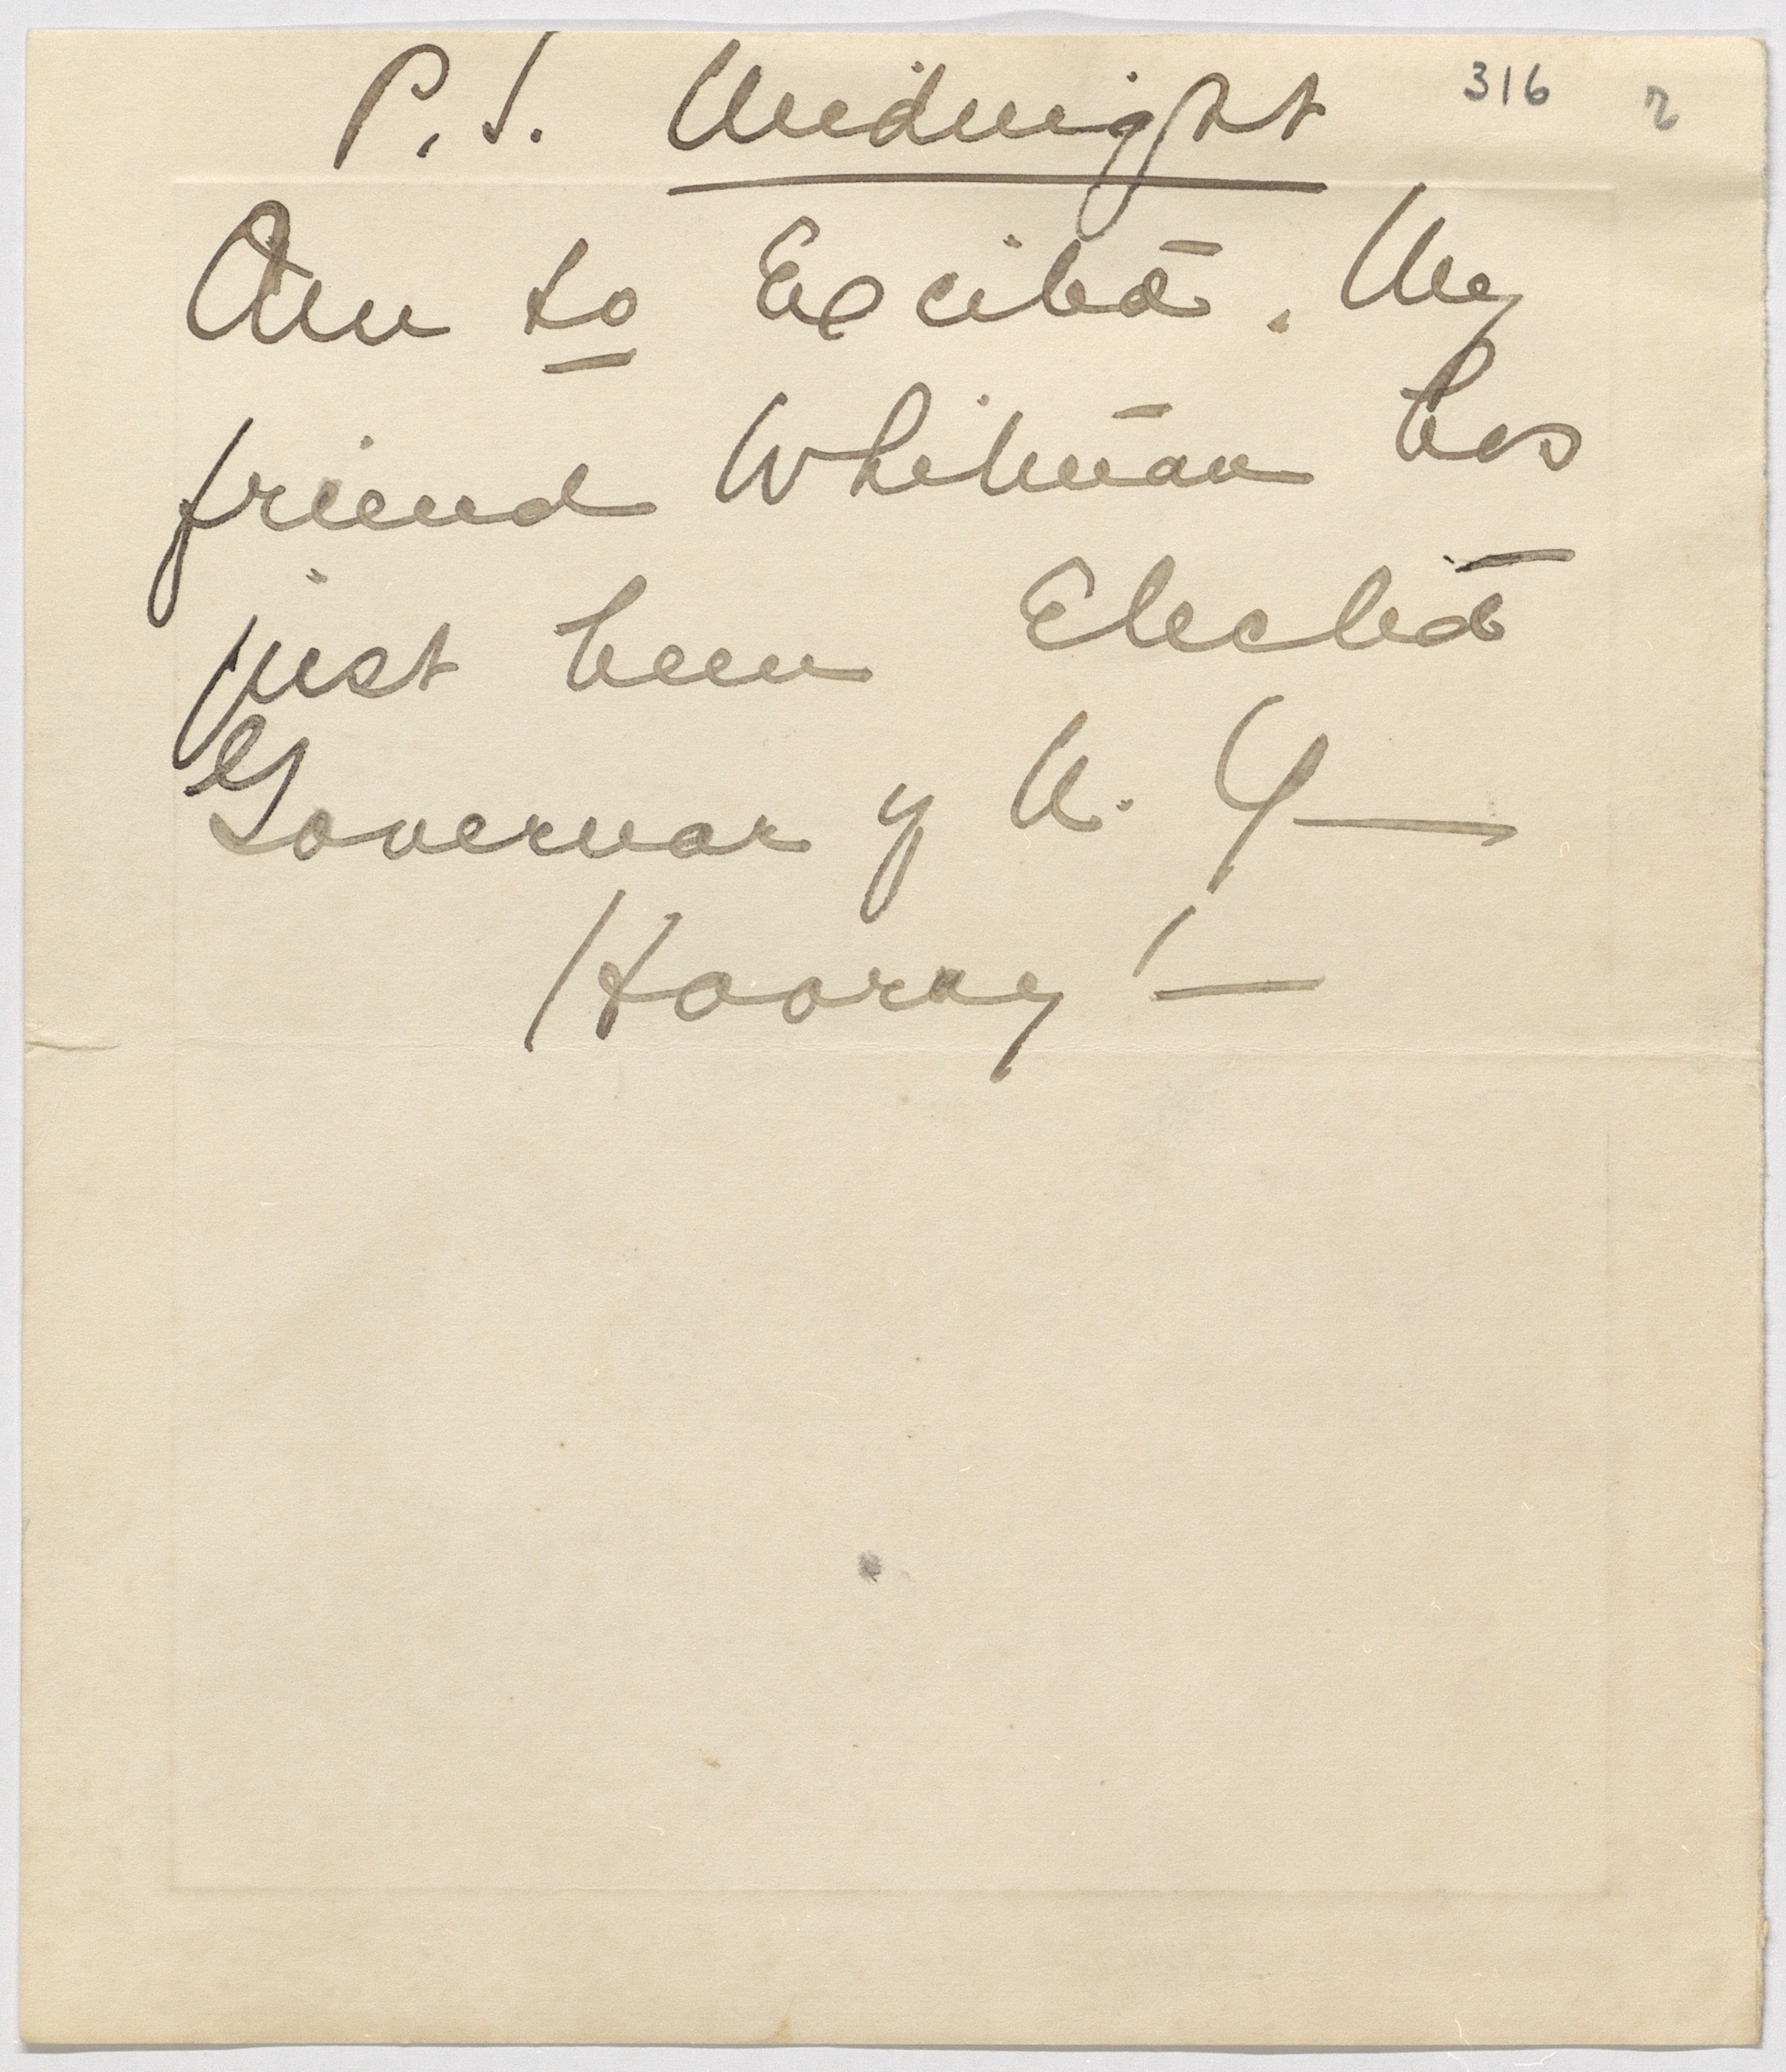P.S. Midnight
Am so excited. My friend Whitman has just been elected governor of N.Y –
Hooray! –